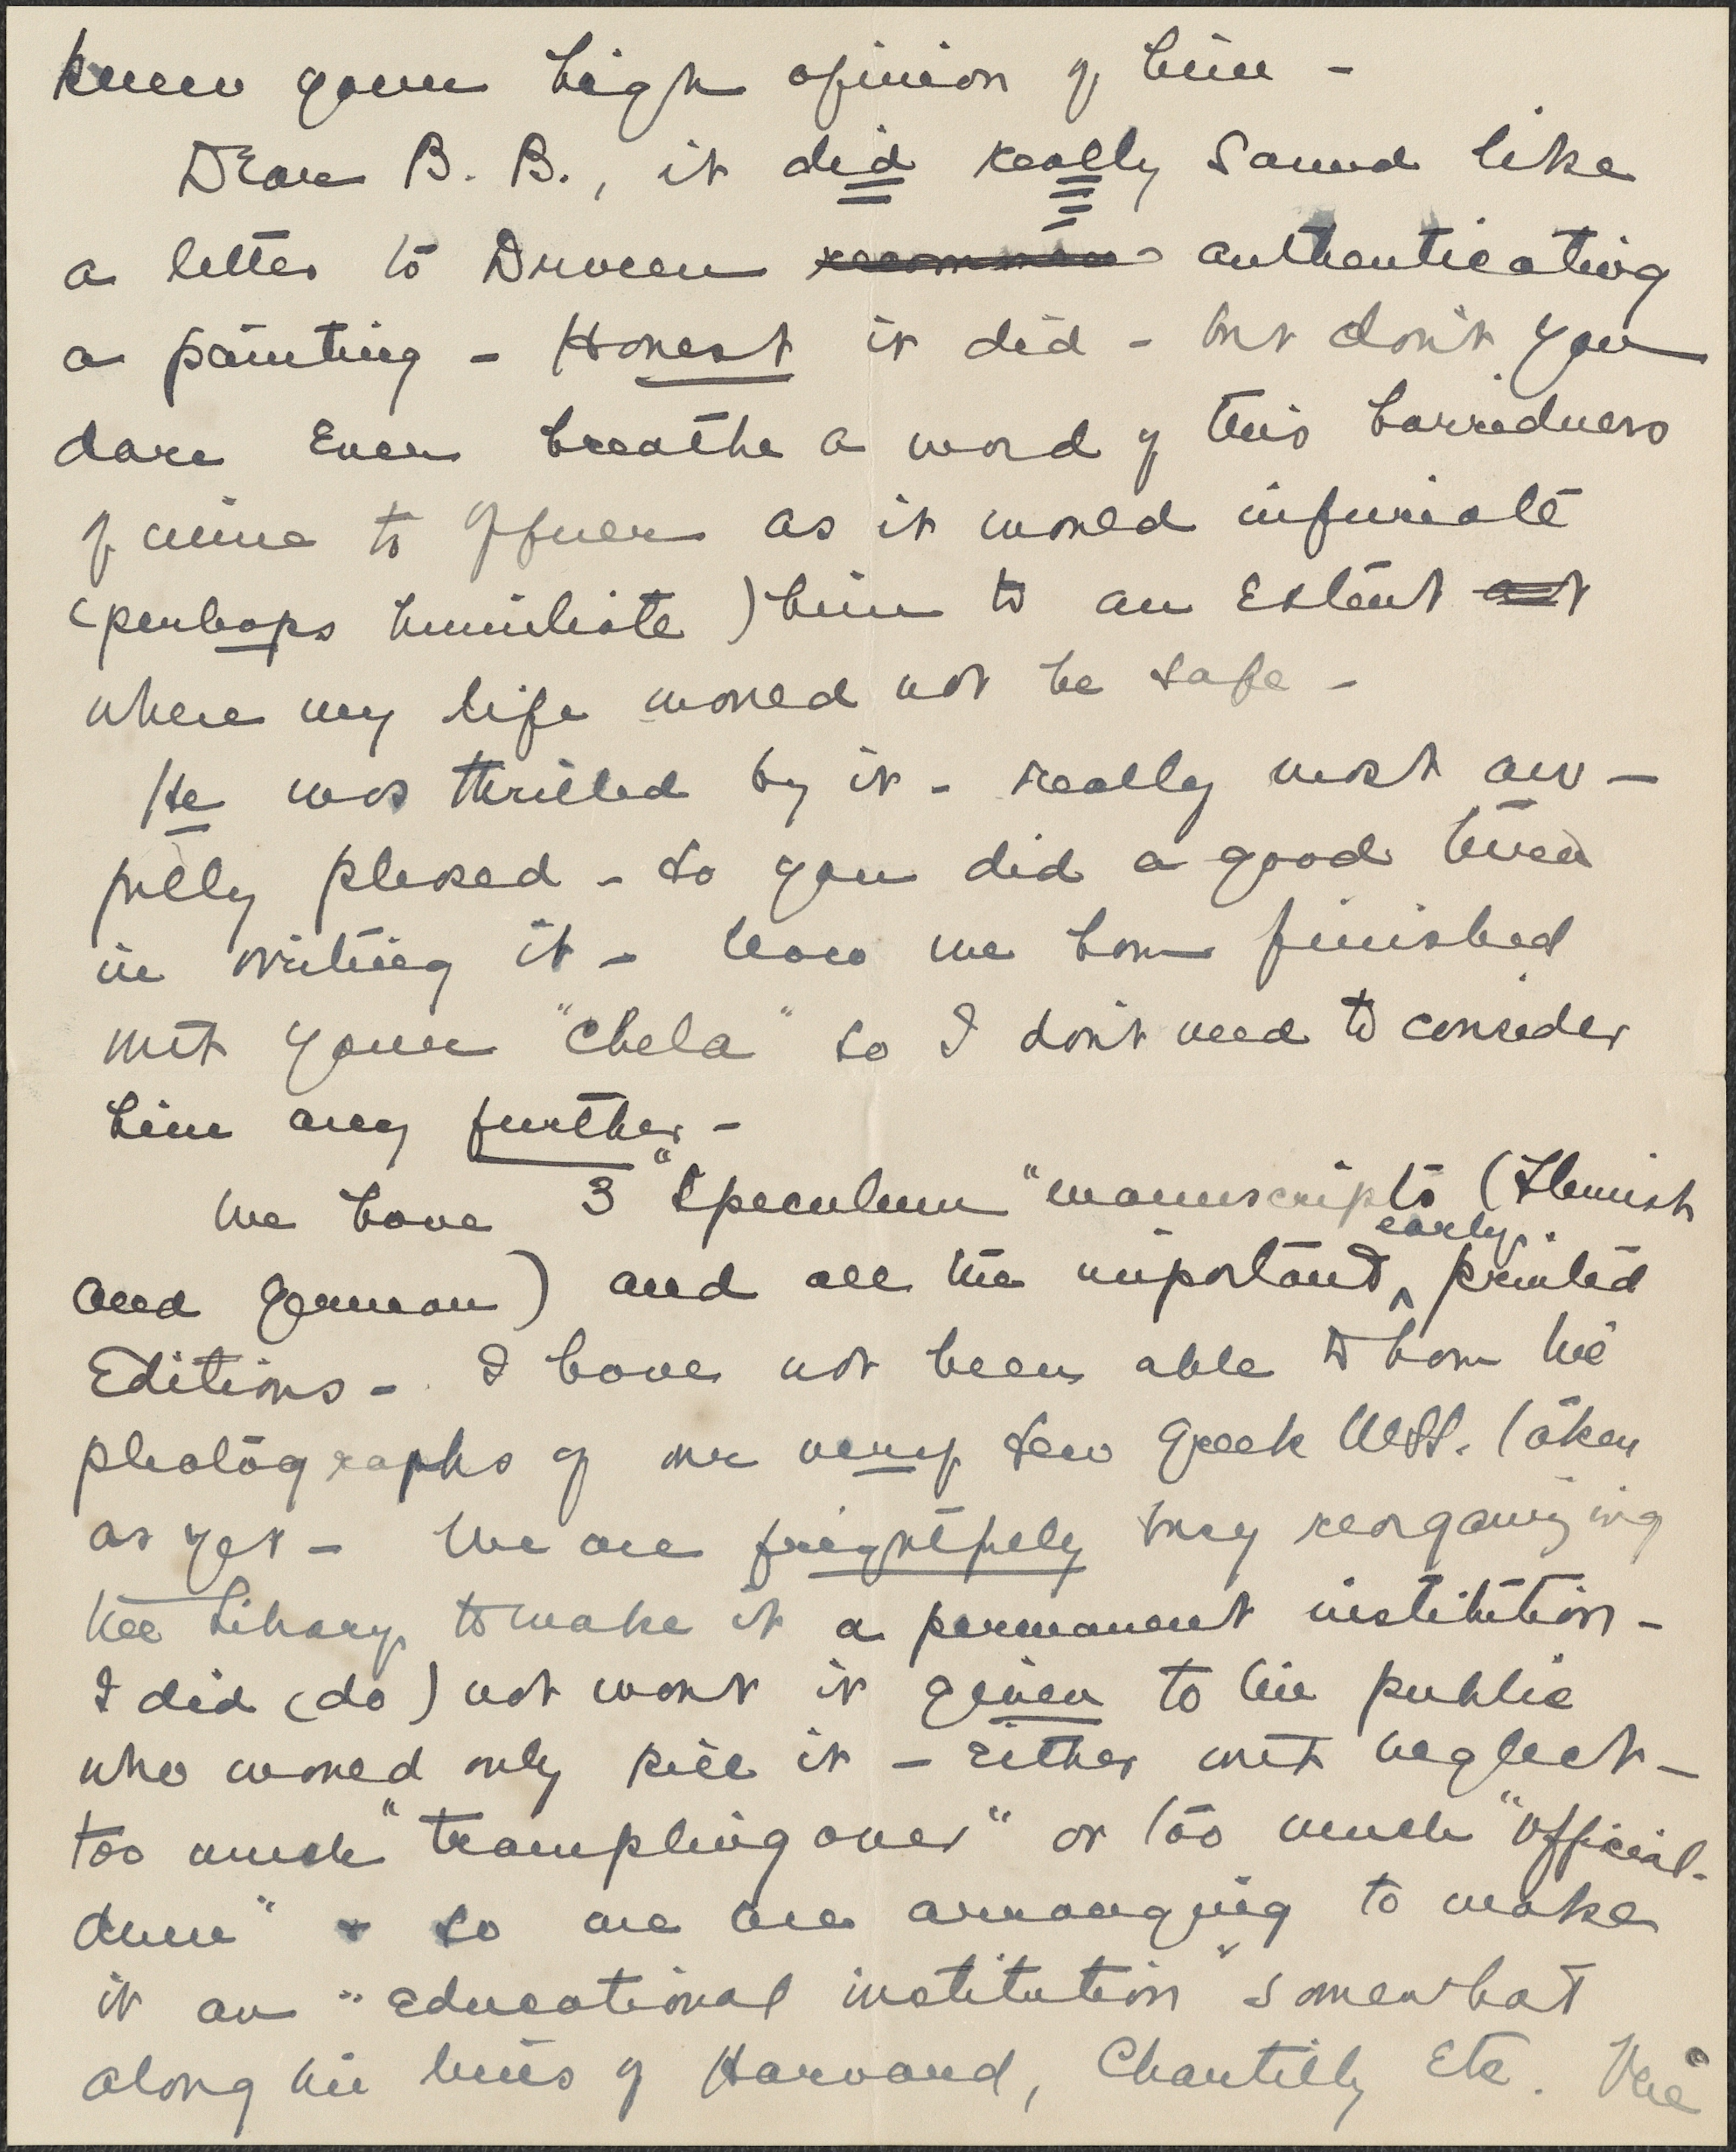knew your high opinion of him –
Dear B.B., it [quadruple underlined: did really] sound like a letter to Duveen [illegible deletion] authenticating a painting – Honest it did – but don't you dare ever breathe a word of this horridness of mine to Offner as it would infuriate (perhaps humiliate) him to an extent at where my life would not be safe –
He was thrilled by it – really most awfully pleased – so you did a good turn in writing it – now we have finished with your "chela" so I don't need consider him any further.
We have 3 "speculum" manuscripts (Flemish and German) and all the important [^early^] printed editions – I have not been able to have the photographs of the very few Greek MSS. taken as yet – We are frightfully busy reorganizing the Library to make it a permanent institution – I did (do) not want it given to the public who would only kill it – either with neglect – too much "trampling over" or too much "officialdum" [sic] & so we are arranging to make it an "educational institution" somewhat along the lines of Harvard, Chantilly etc. The